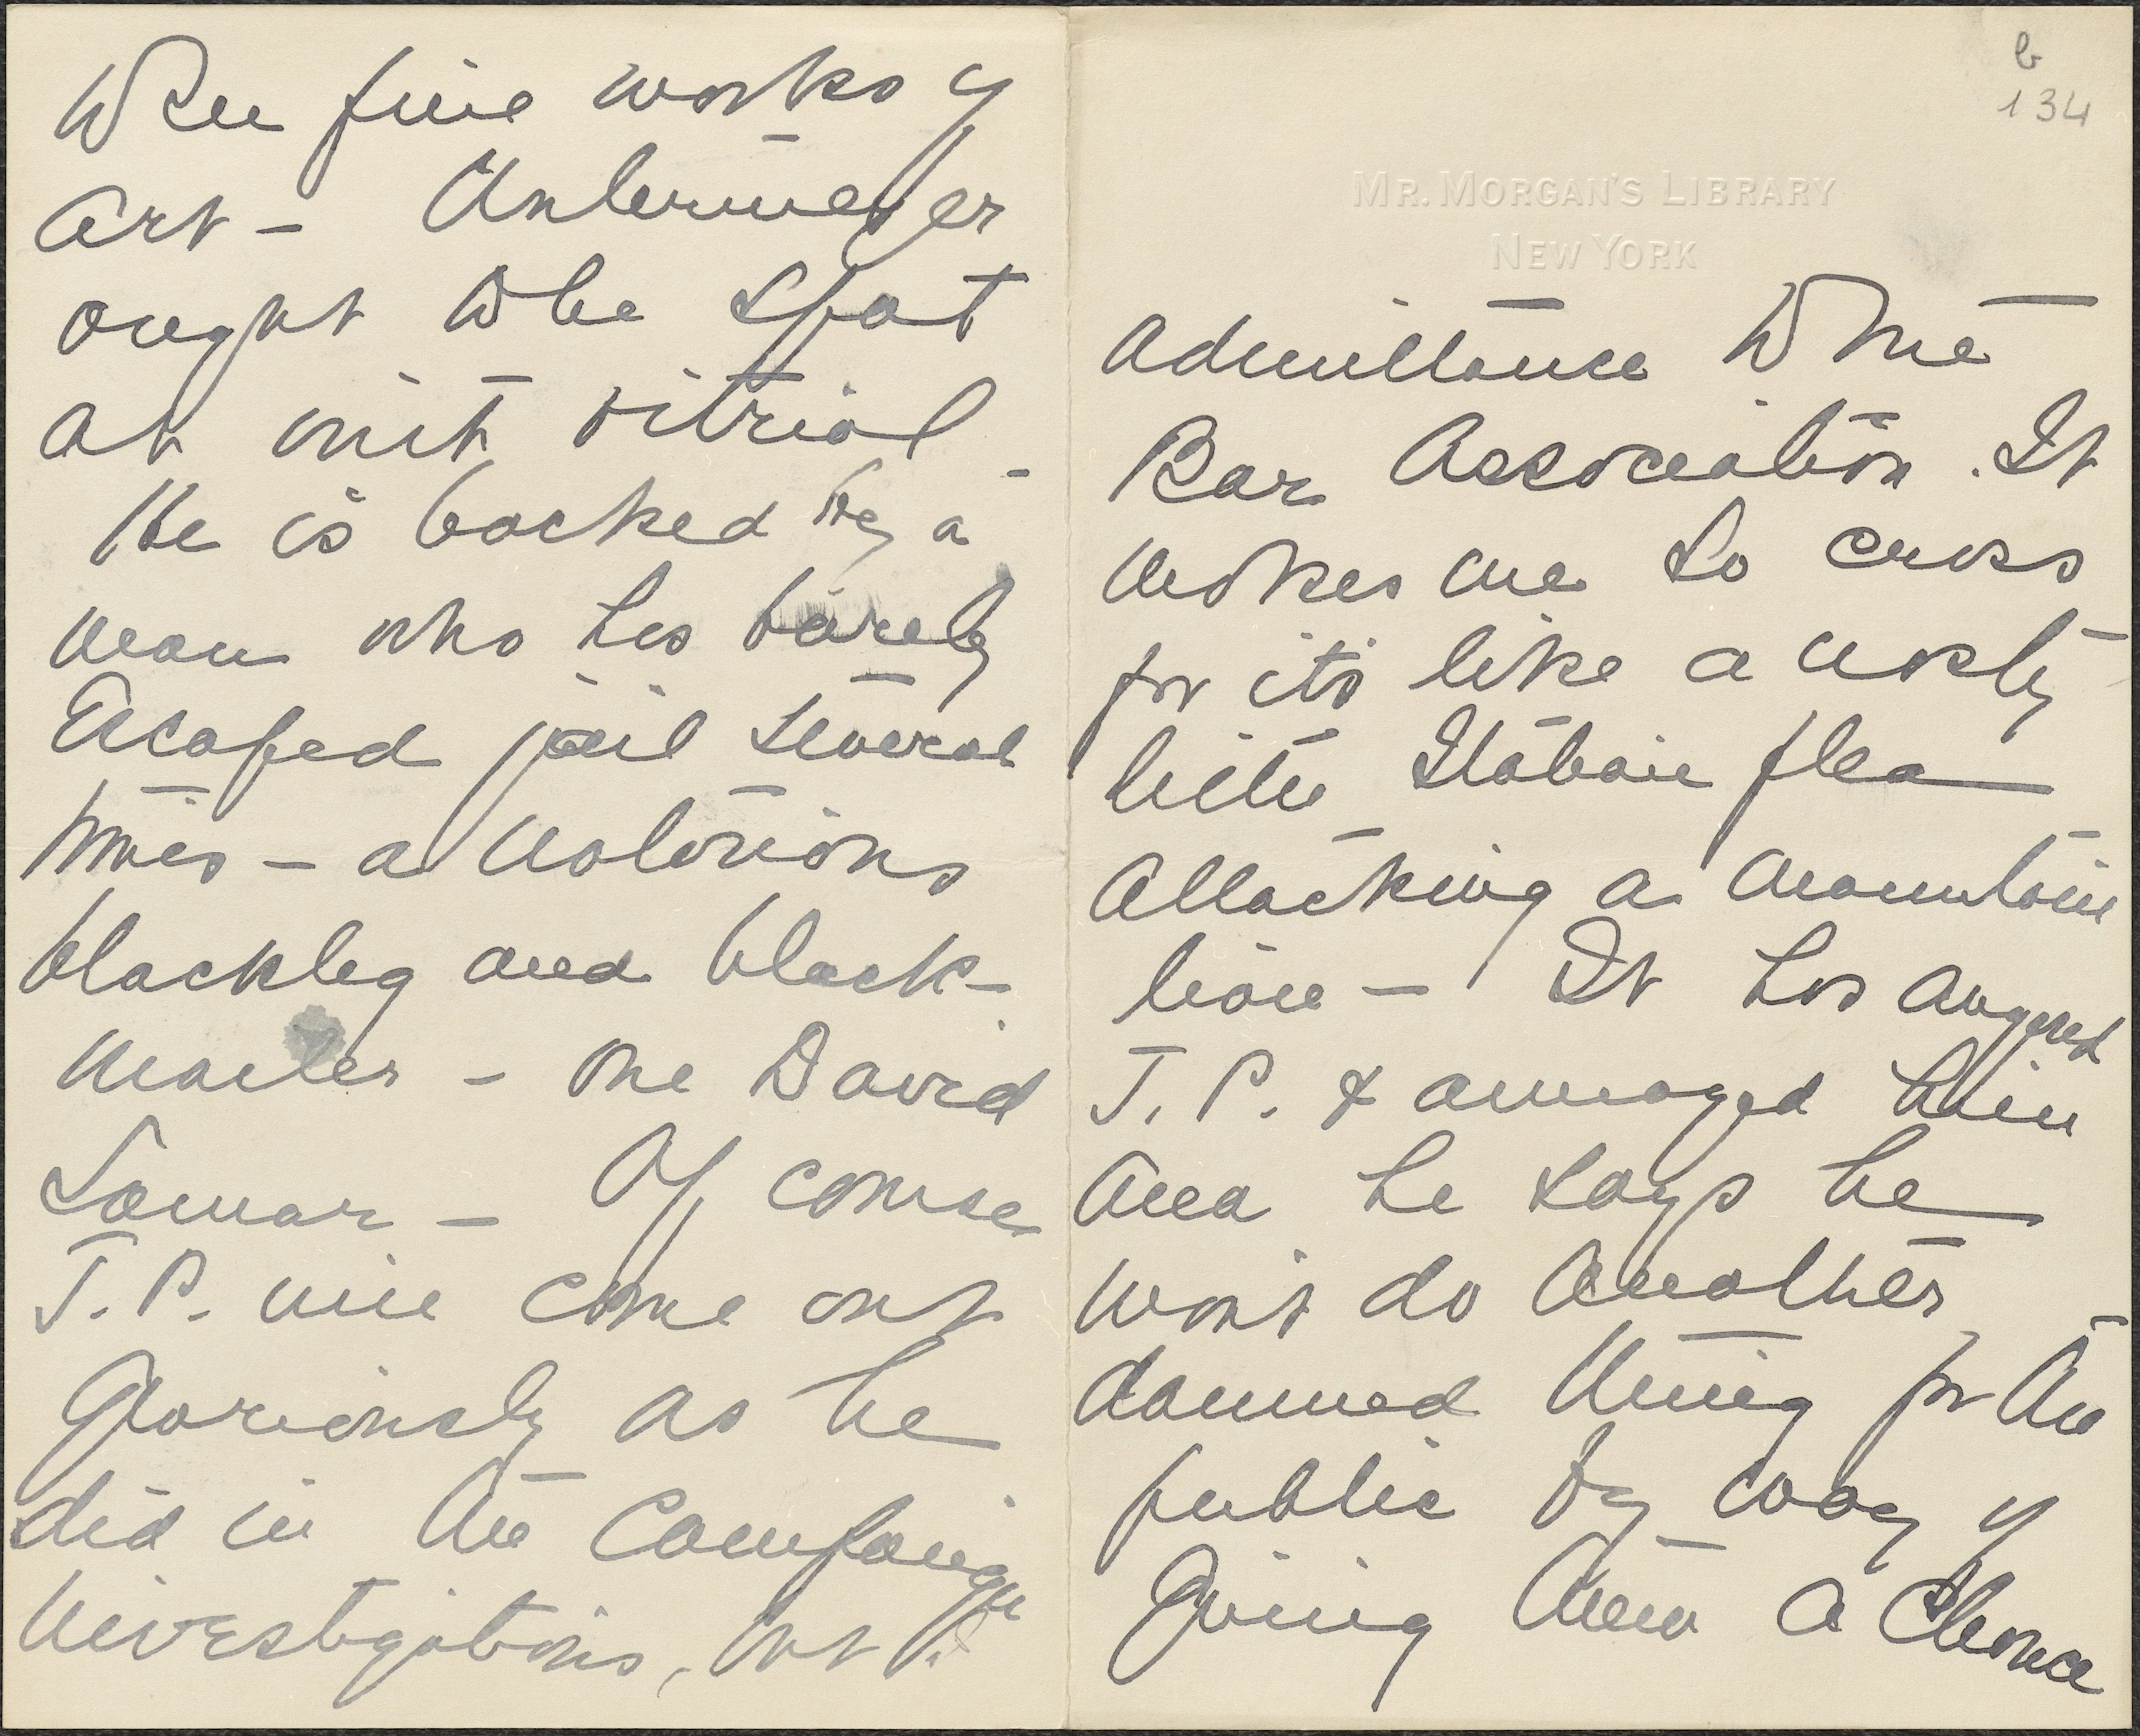admittance to the Bar Association. It makes me so cross for it’s like a nasty little Italian flea attacking a mountain lion – It has angered J. P. & annoyed him and he says he won’t do another damned thing for the public by way of giving them a chance
to see fine works of art – Untermeyer ought to be spat at with vitriol – He is backed by a man who has barely escaped jail several times – a notorious blackleg and blackmailer – one David Lamar – Of course J. P. will come out gloriously as he did in the campaign investigations, but I